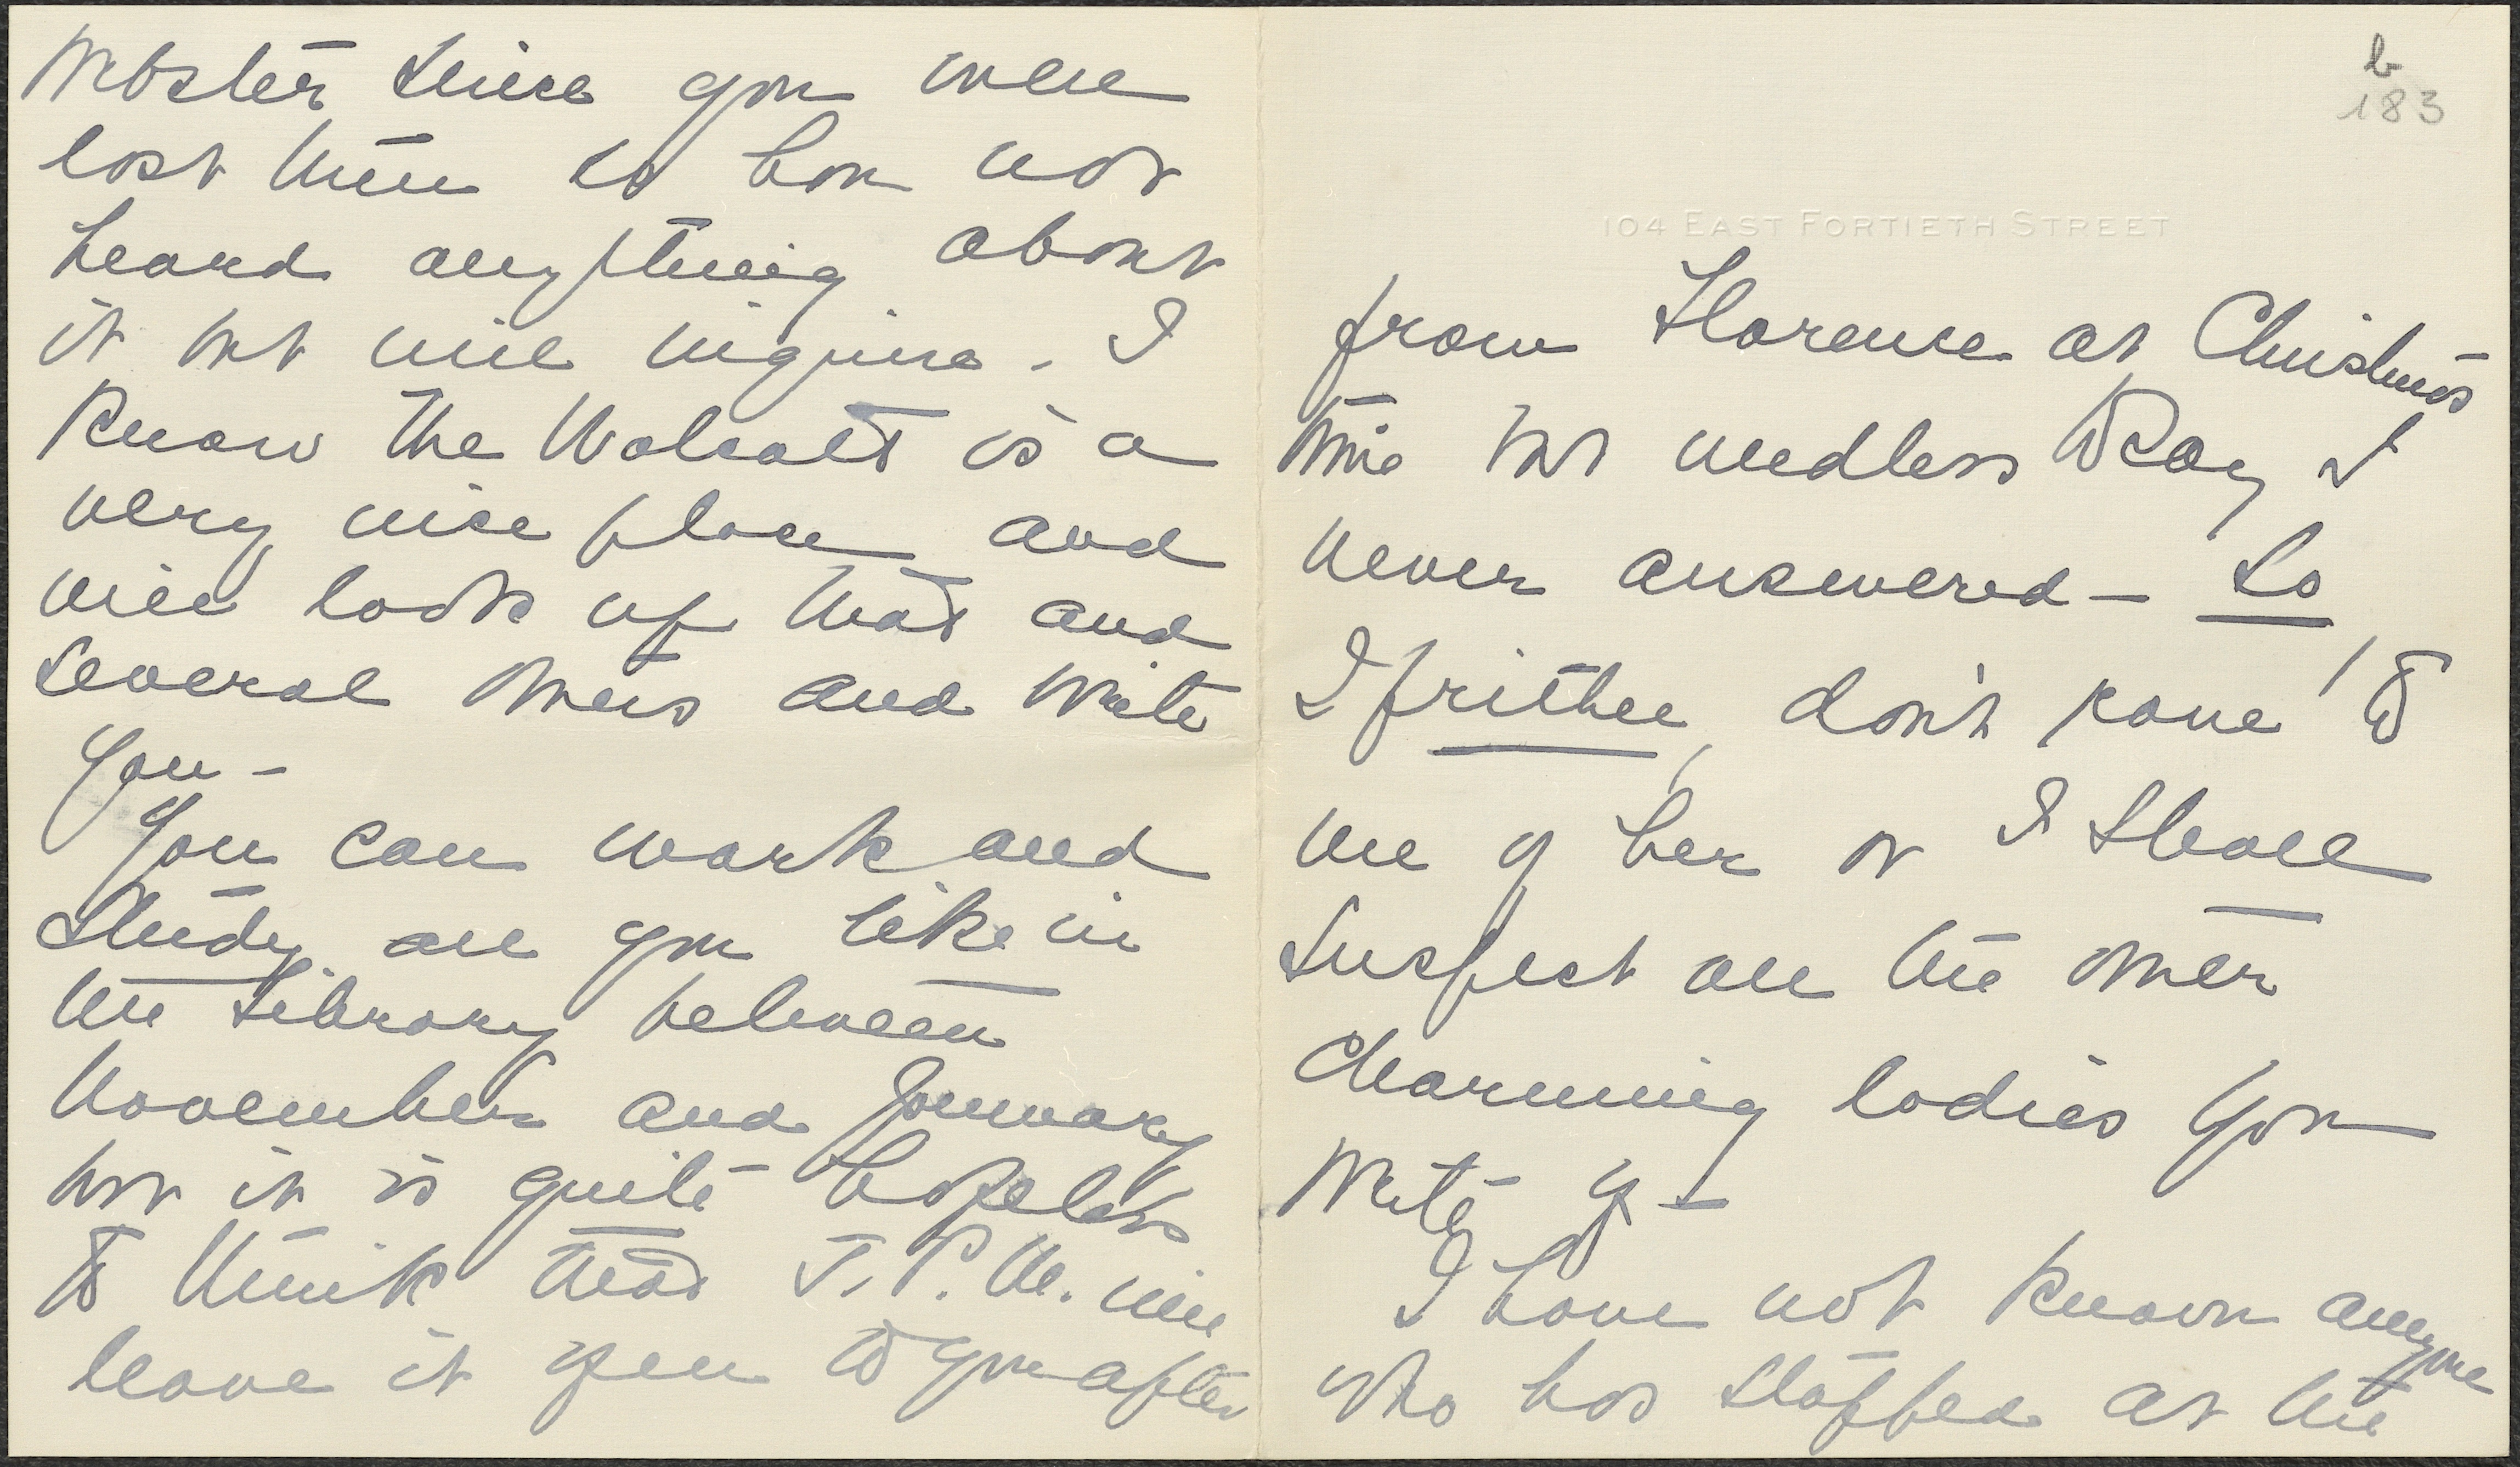from Florence at Christmas time but needless to say I never answered – so I prithee don’t rave to me of her or I shall suspect all the other charming ladies you write of –
I have not known anyone who has stopped at the
Webster since you were last there so have not heard anything about it but will imagine – I know the Wolcott is a very nice place and will look up that and several others and write you –
You can work and study all you like in the Library between November and January but it is quite hopeless to think that J. P. M. will leave it open to you after